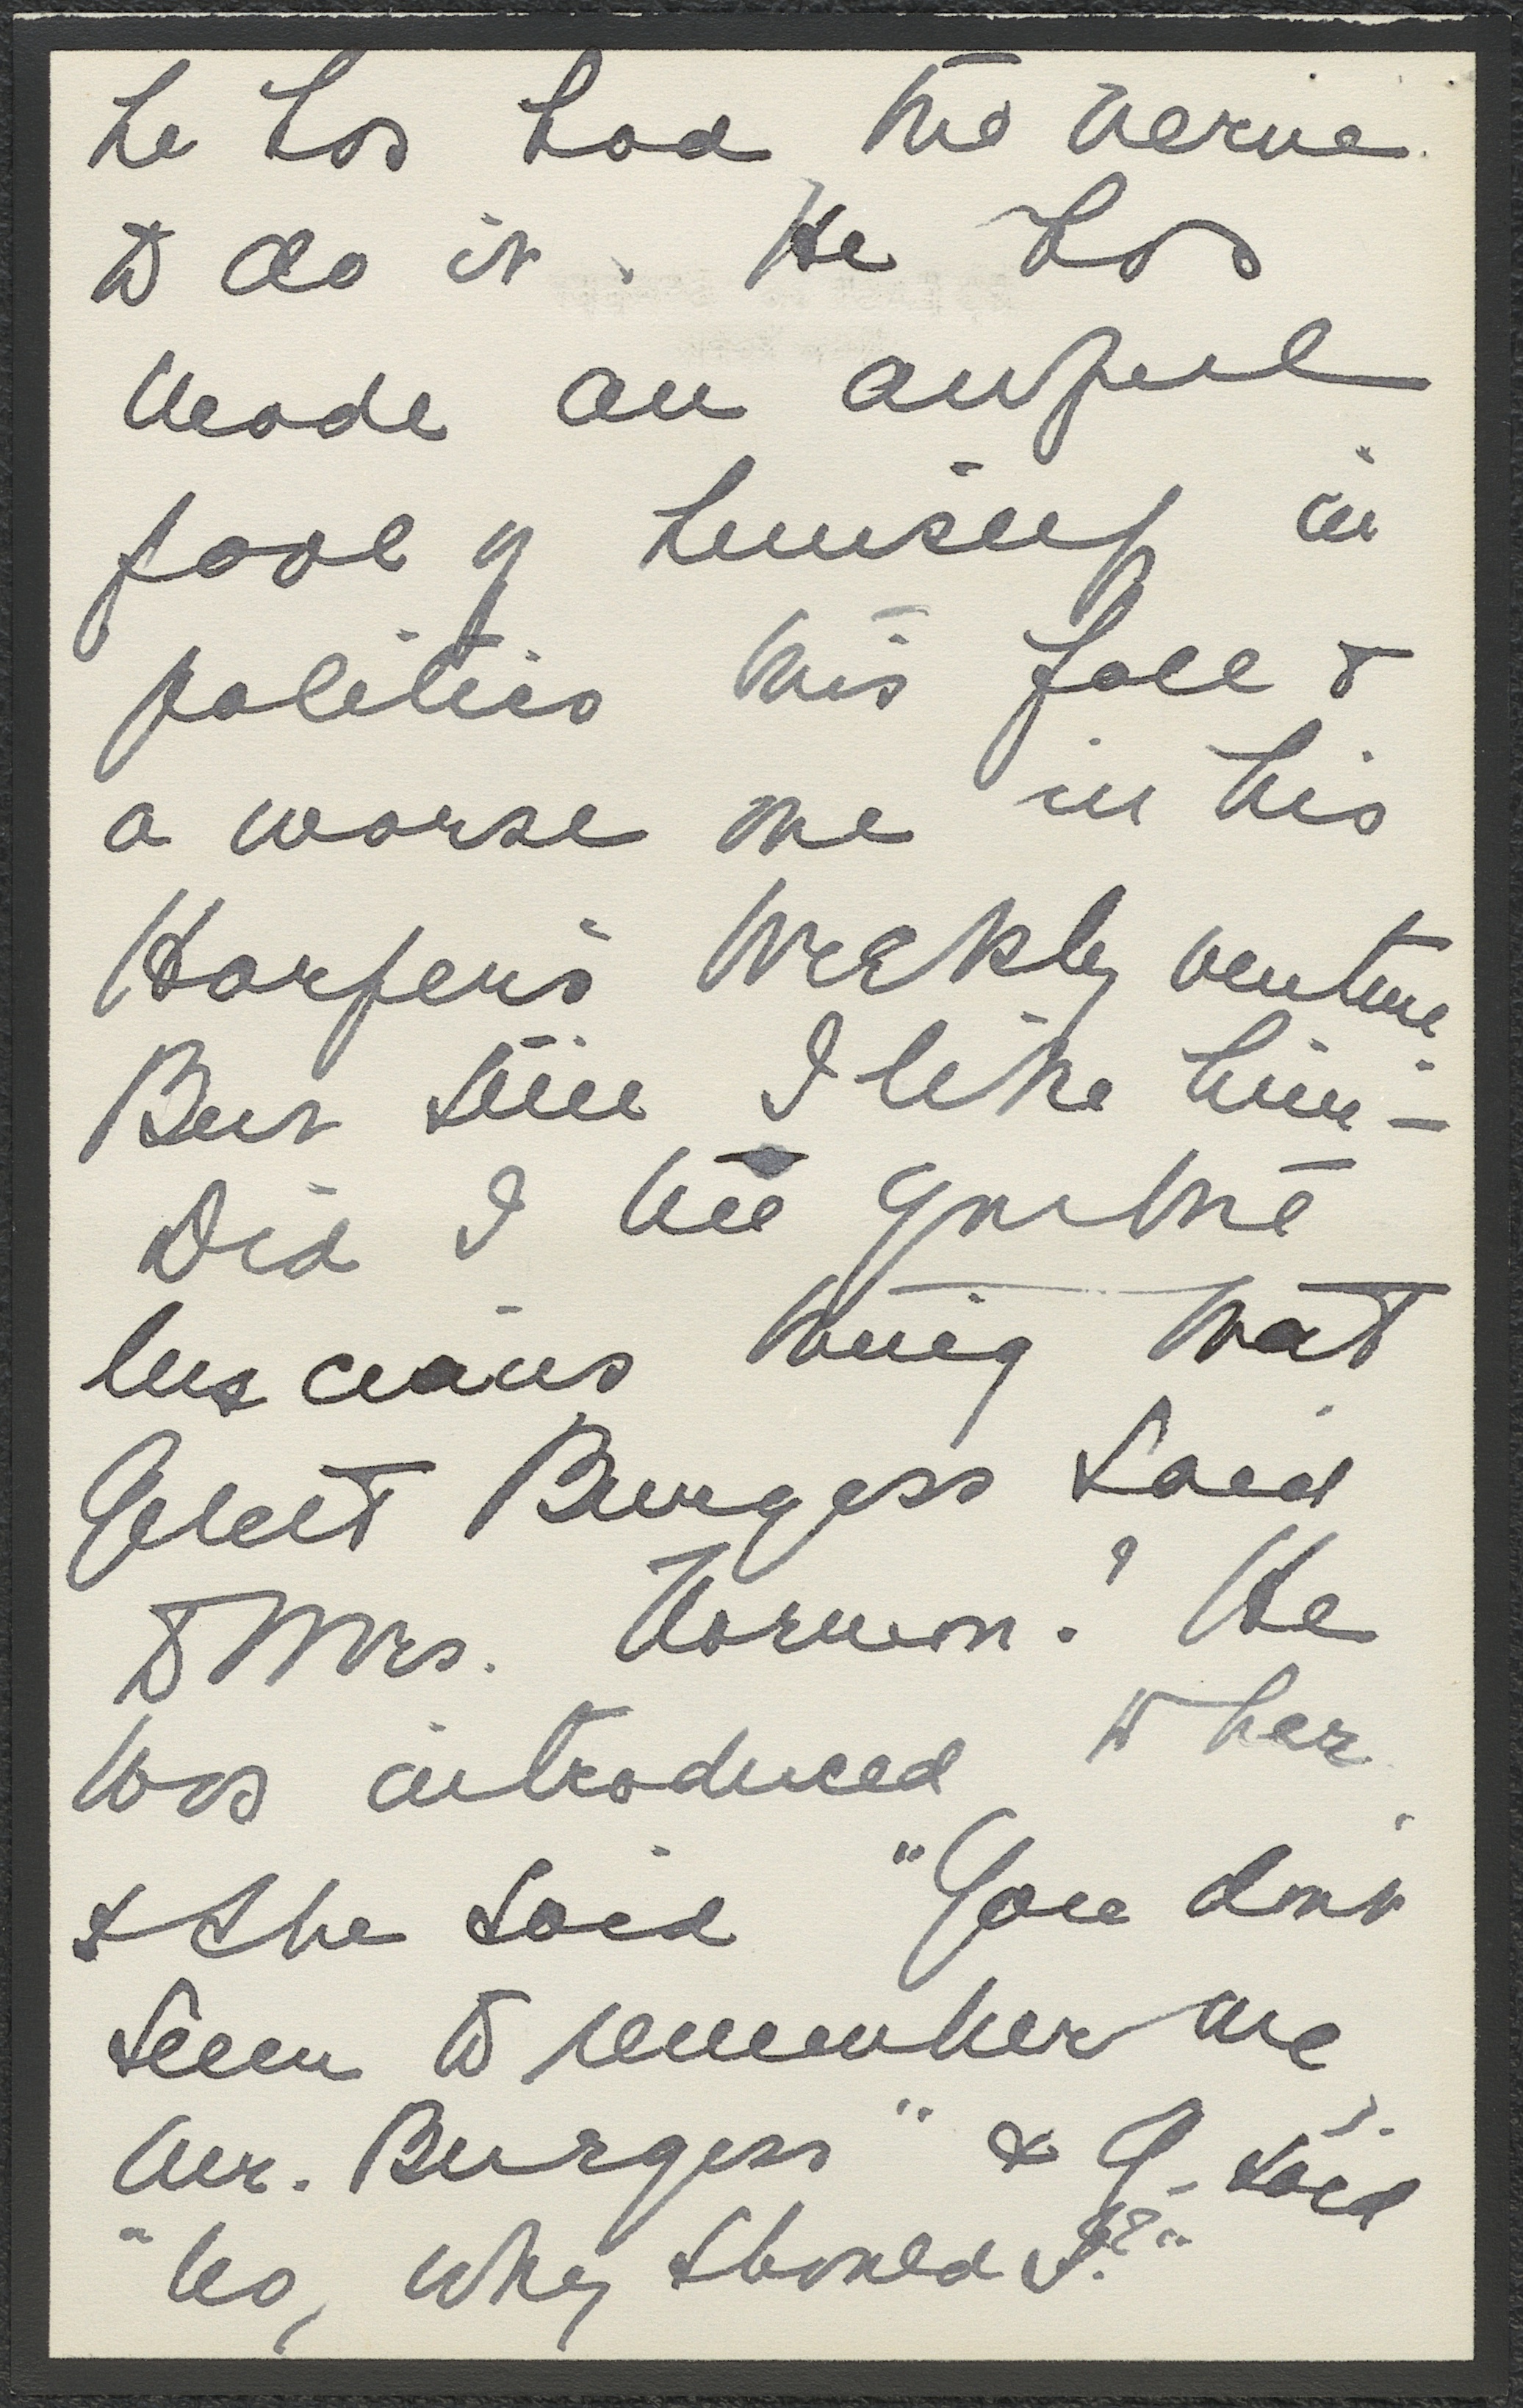he has had the nerve to do it. He has made an awful fool of himself in politics this fall & a worse one in his Harper’s Weekly venture. But still I like him –
Did I tell you the luscious thing that Gelett Burgess said to Mrs. Norman? He was introduced to her & she said “You don’t seem to remember me, Mr. Burgess” & G. said “No, why should I?”